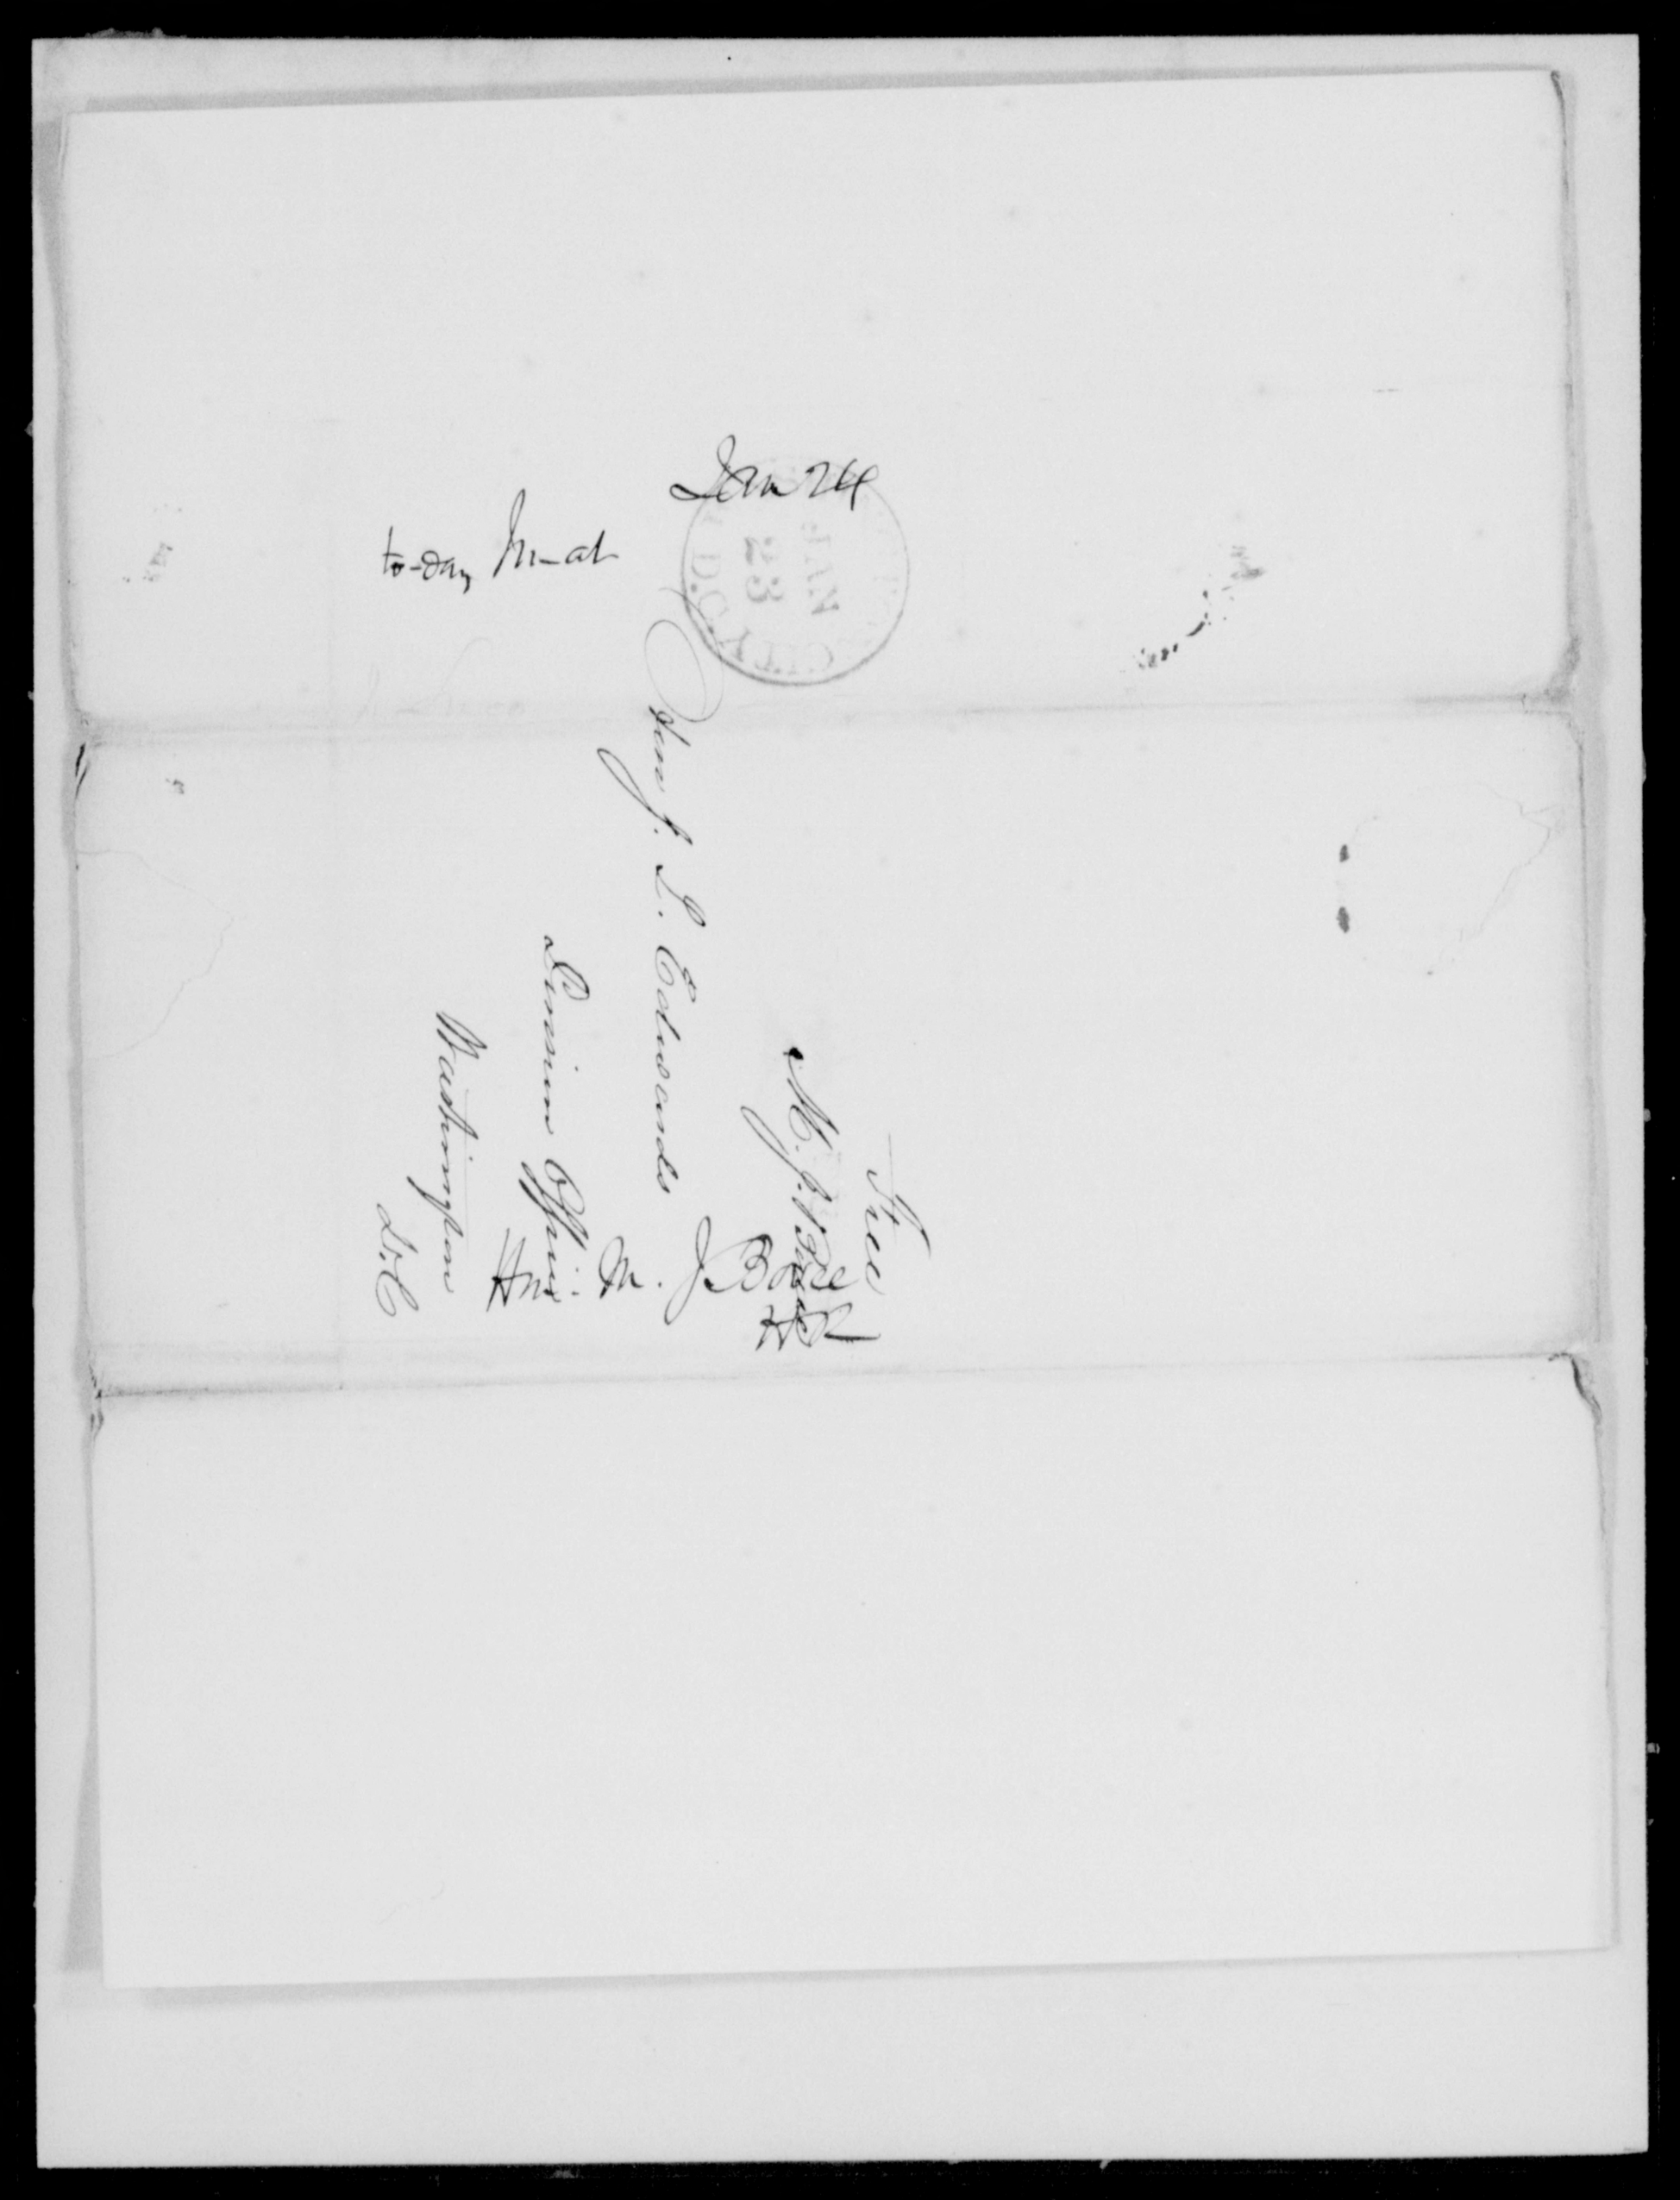To-day In ab Jan 24
Hon. M. J. Bovee
HR

Free
M. J. Bovee
Hon J. L. Edwards 
Pension Office
Washington D.C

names: M J Bovee, J L Edwards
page: 24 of 57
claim: survivor's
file: S. 28,925, Albert Van Housen, New York